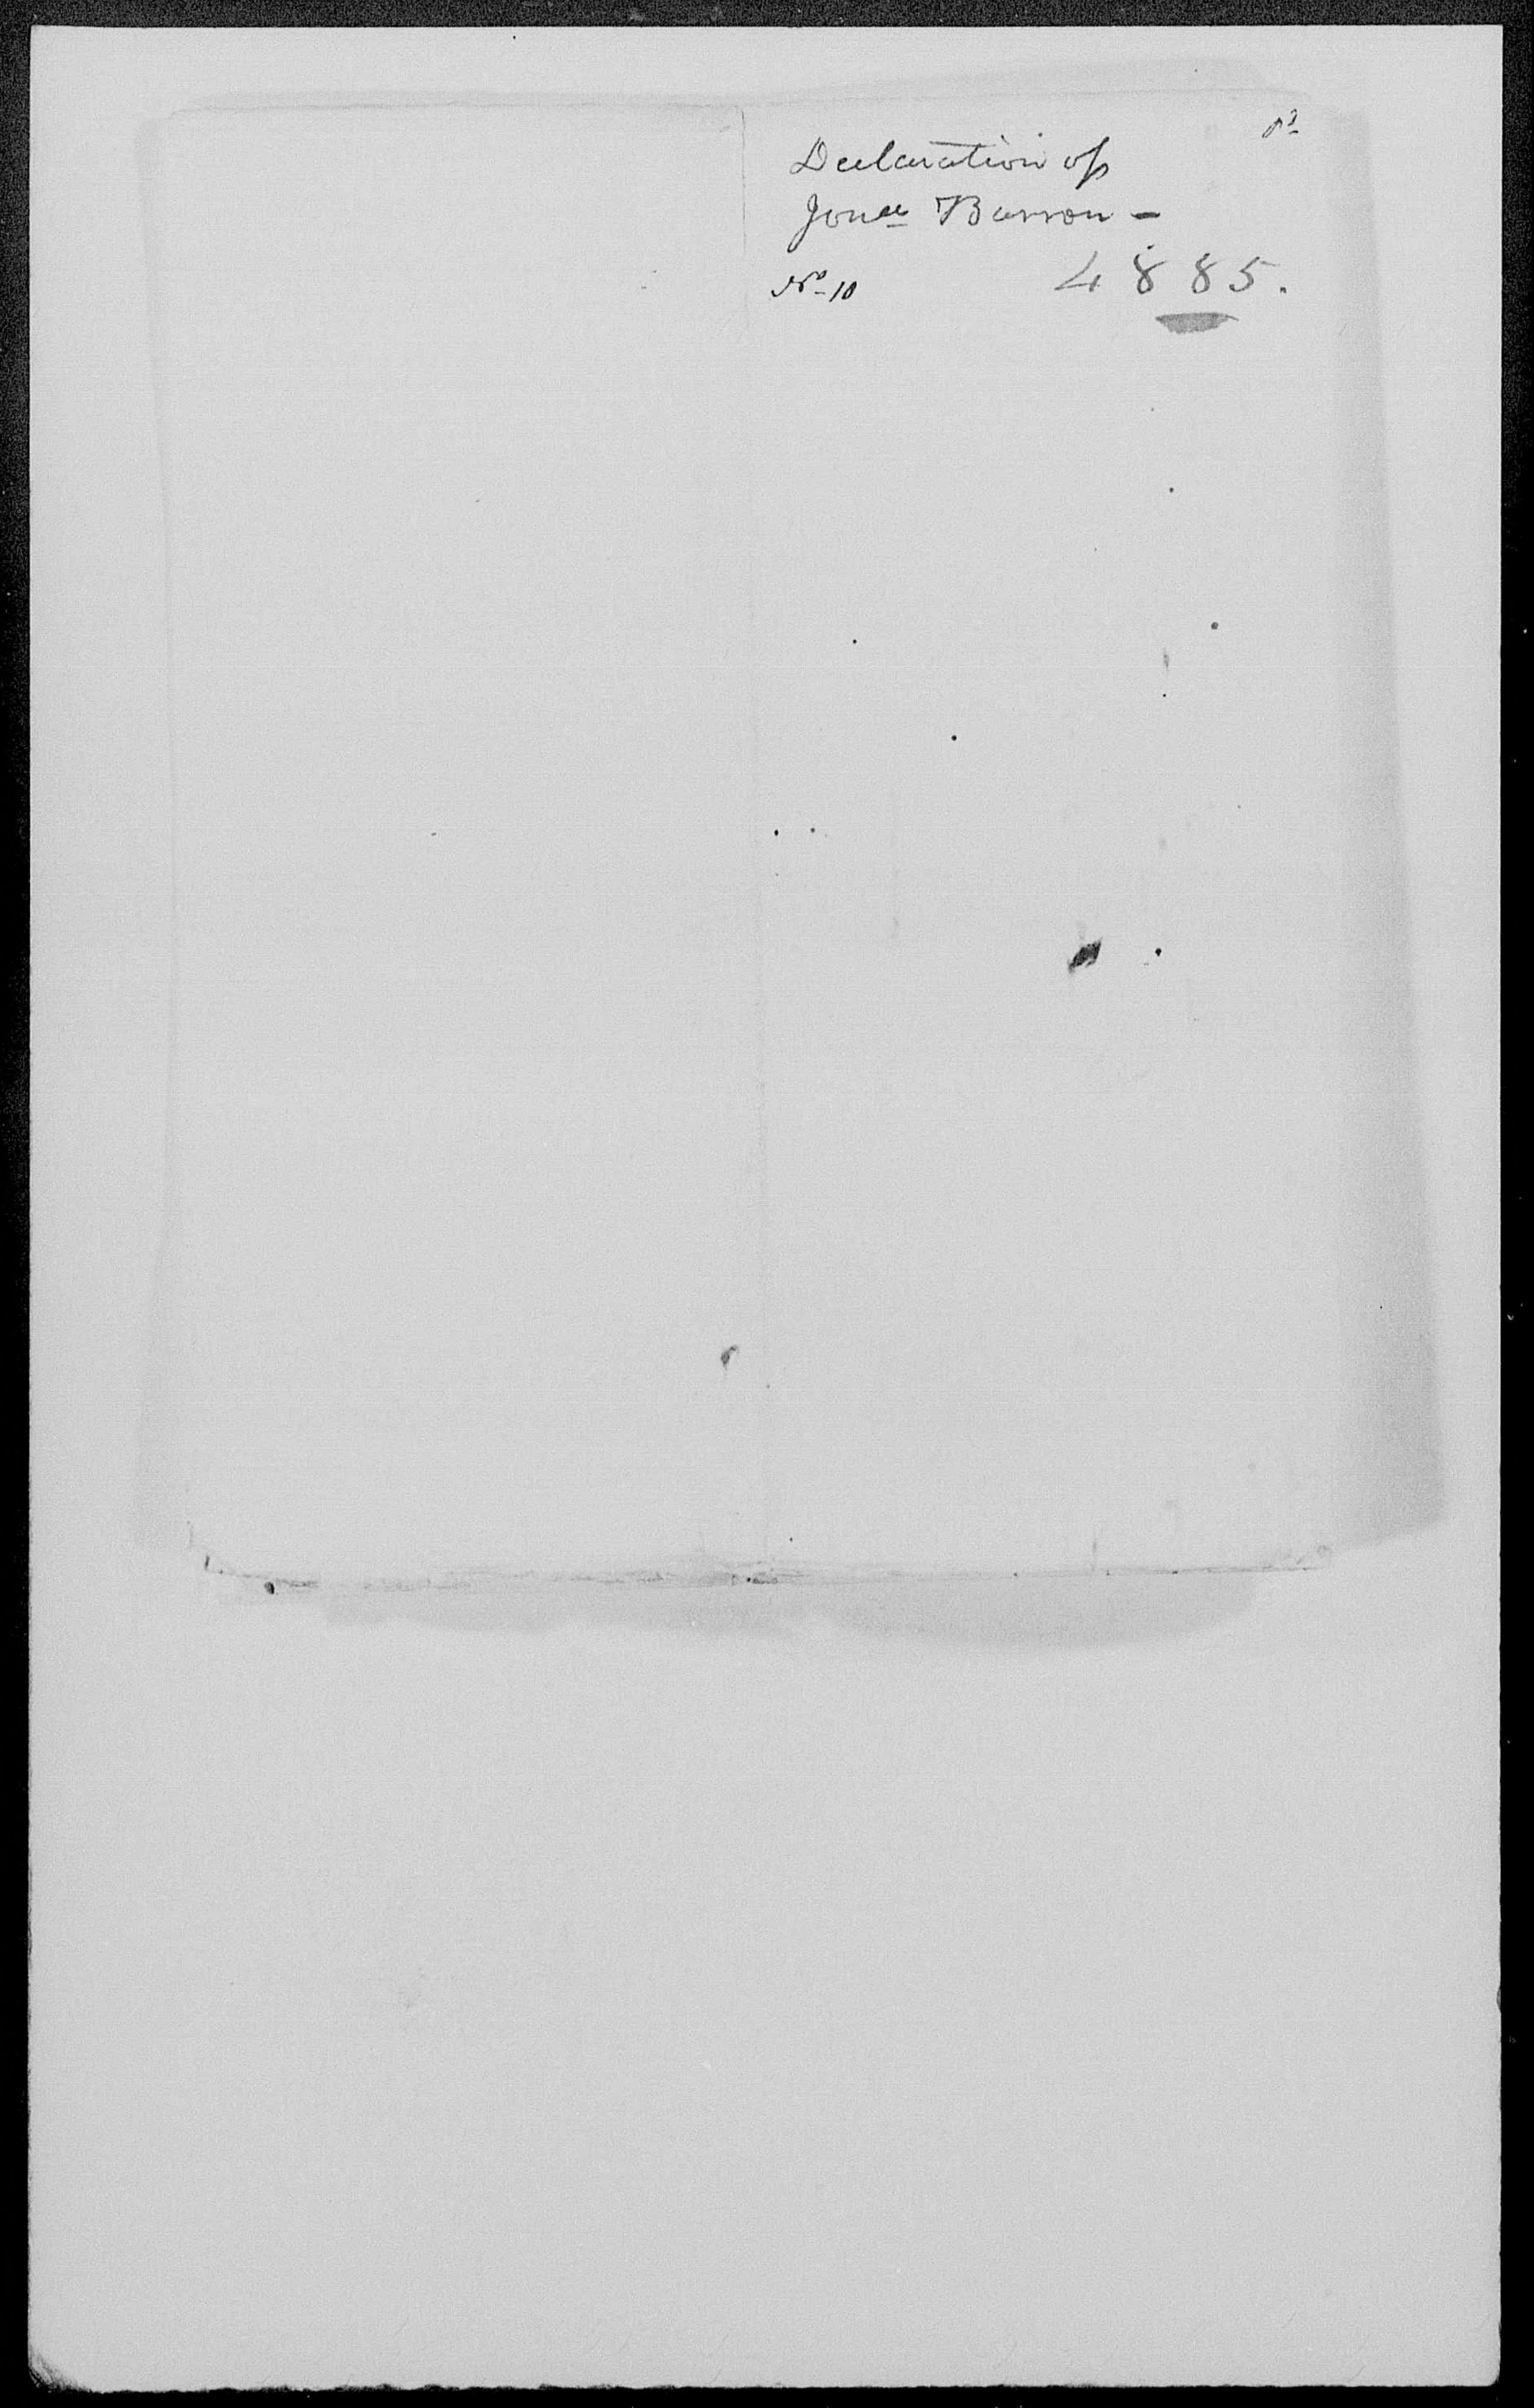[illegible mark in top right corner]
Declaration of Jona. Barron.
No 10  4885[4885 in a different hand]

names: Jona Barron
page: 3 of 25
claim: survivor's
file: S. 28986, Jonathan Barron, N.H.